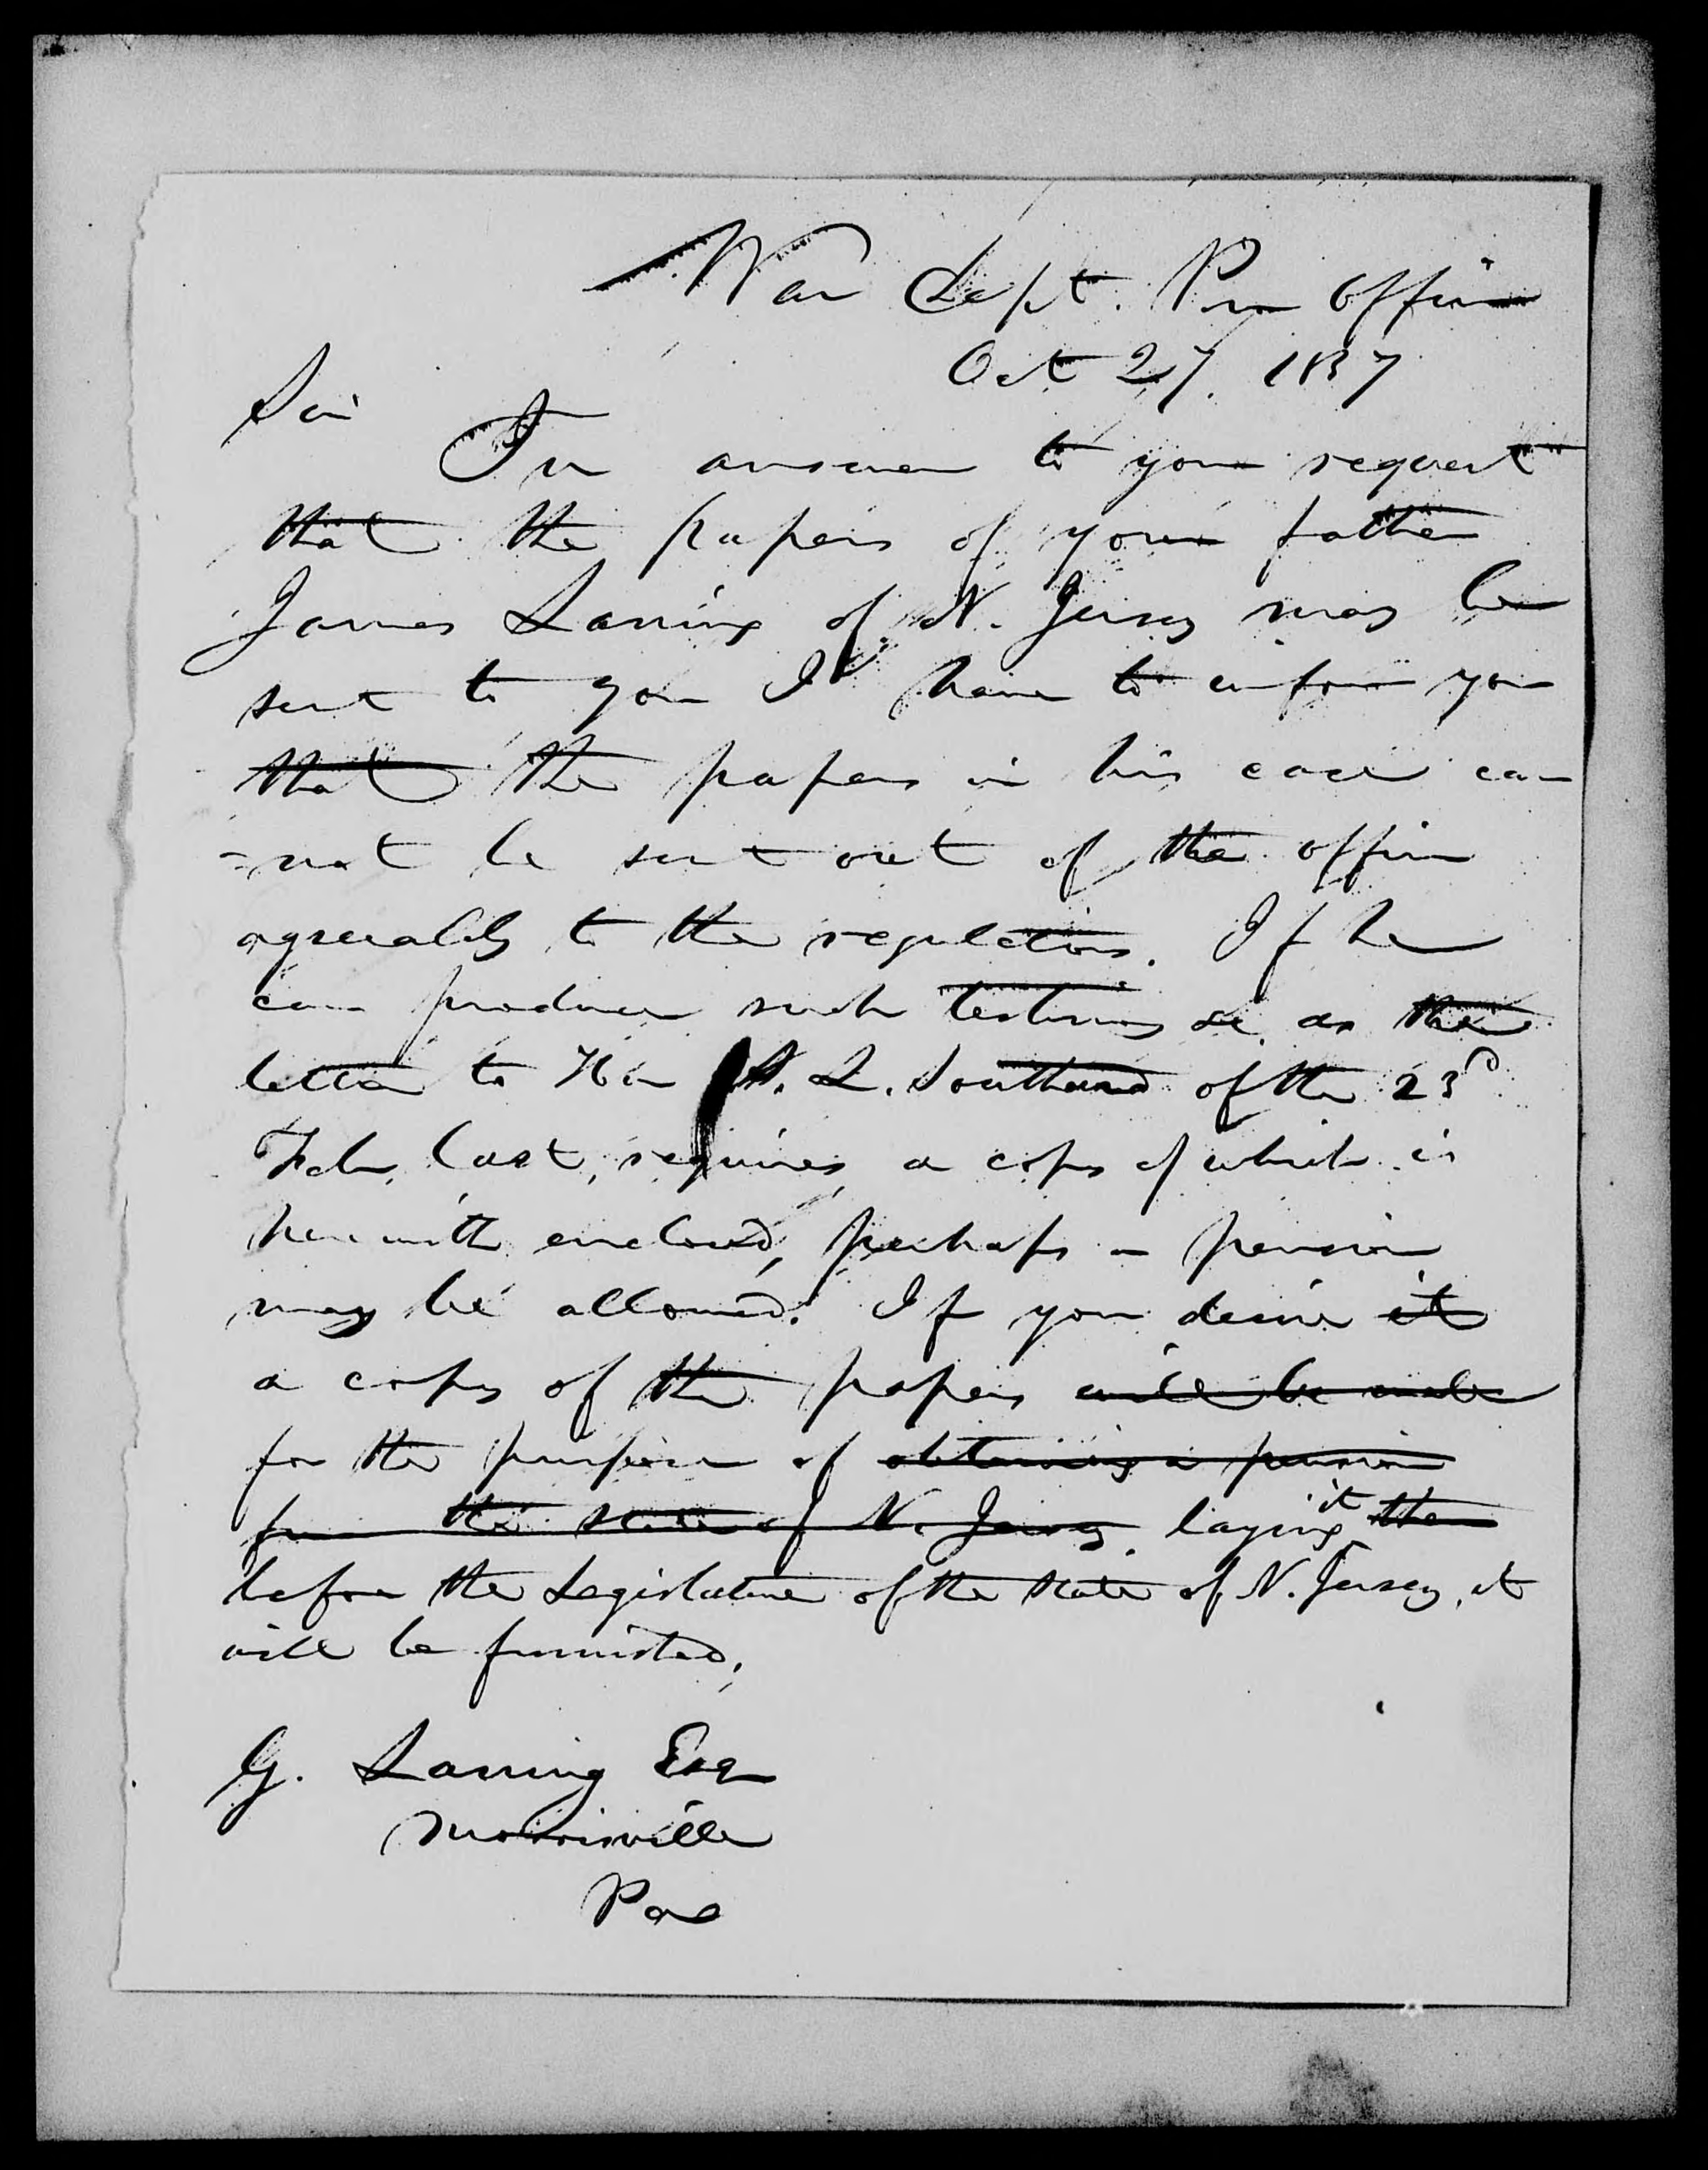War dept. Pen Office
Oct 27, 1837

Sir
In answer to your request that the papers of your father James Laning of N. Jersey may be sent to you I have to inform you that the papers in his case cannot be sent out of the office agreeably to the regulations. If he can produce such testimony &c. do the letter to War Dt. L. Southard of the 23d. Feb. last, requires a copy of which is therewith enclosed, perhaps - [illegible] may be allowed. If you desire a copy of the papers for the purpose of laying it before the Legislature of the State of N. Jersey, it will be permitted.
Gl Laning Esqr
Morrisville
Pa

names: S L Southard; G Laning; James Laning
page: 18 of 39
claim: rejected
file: R. 6154, for James Laning, New Jersey